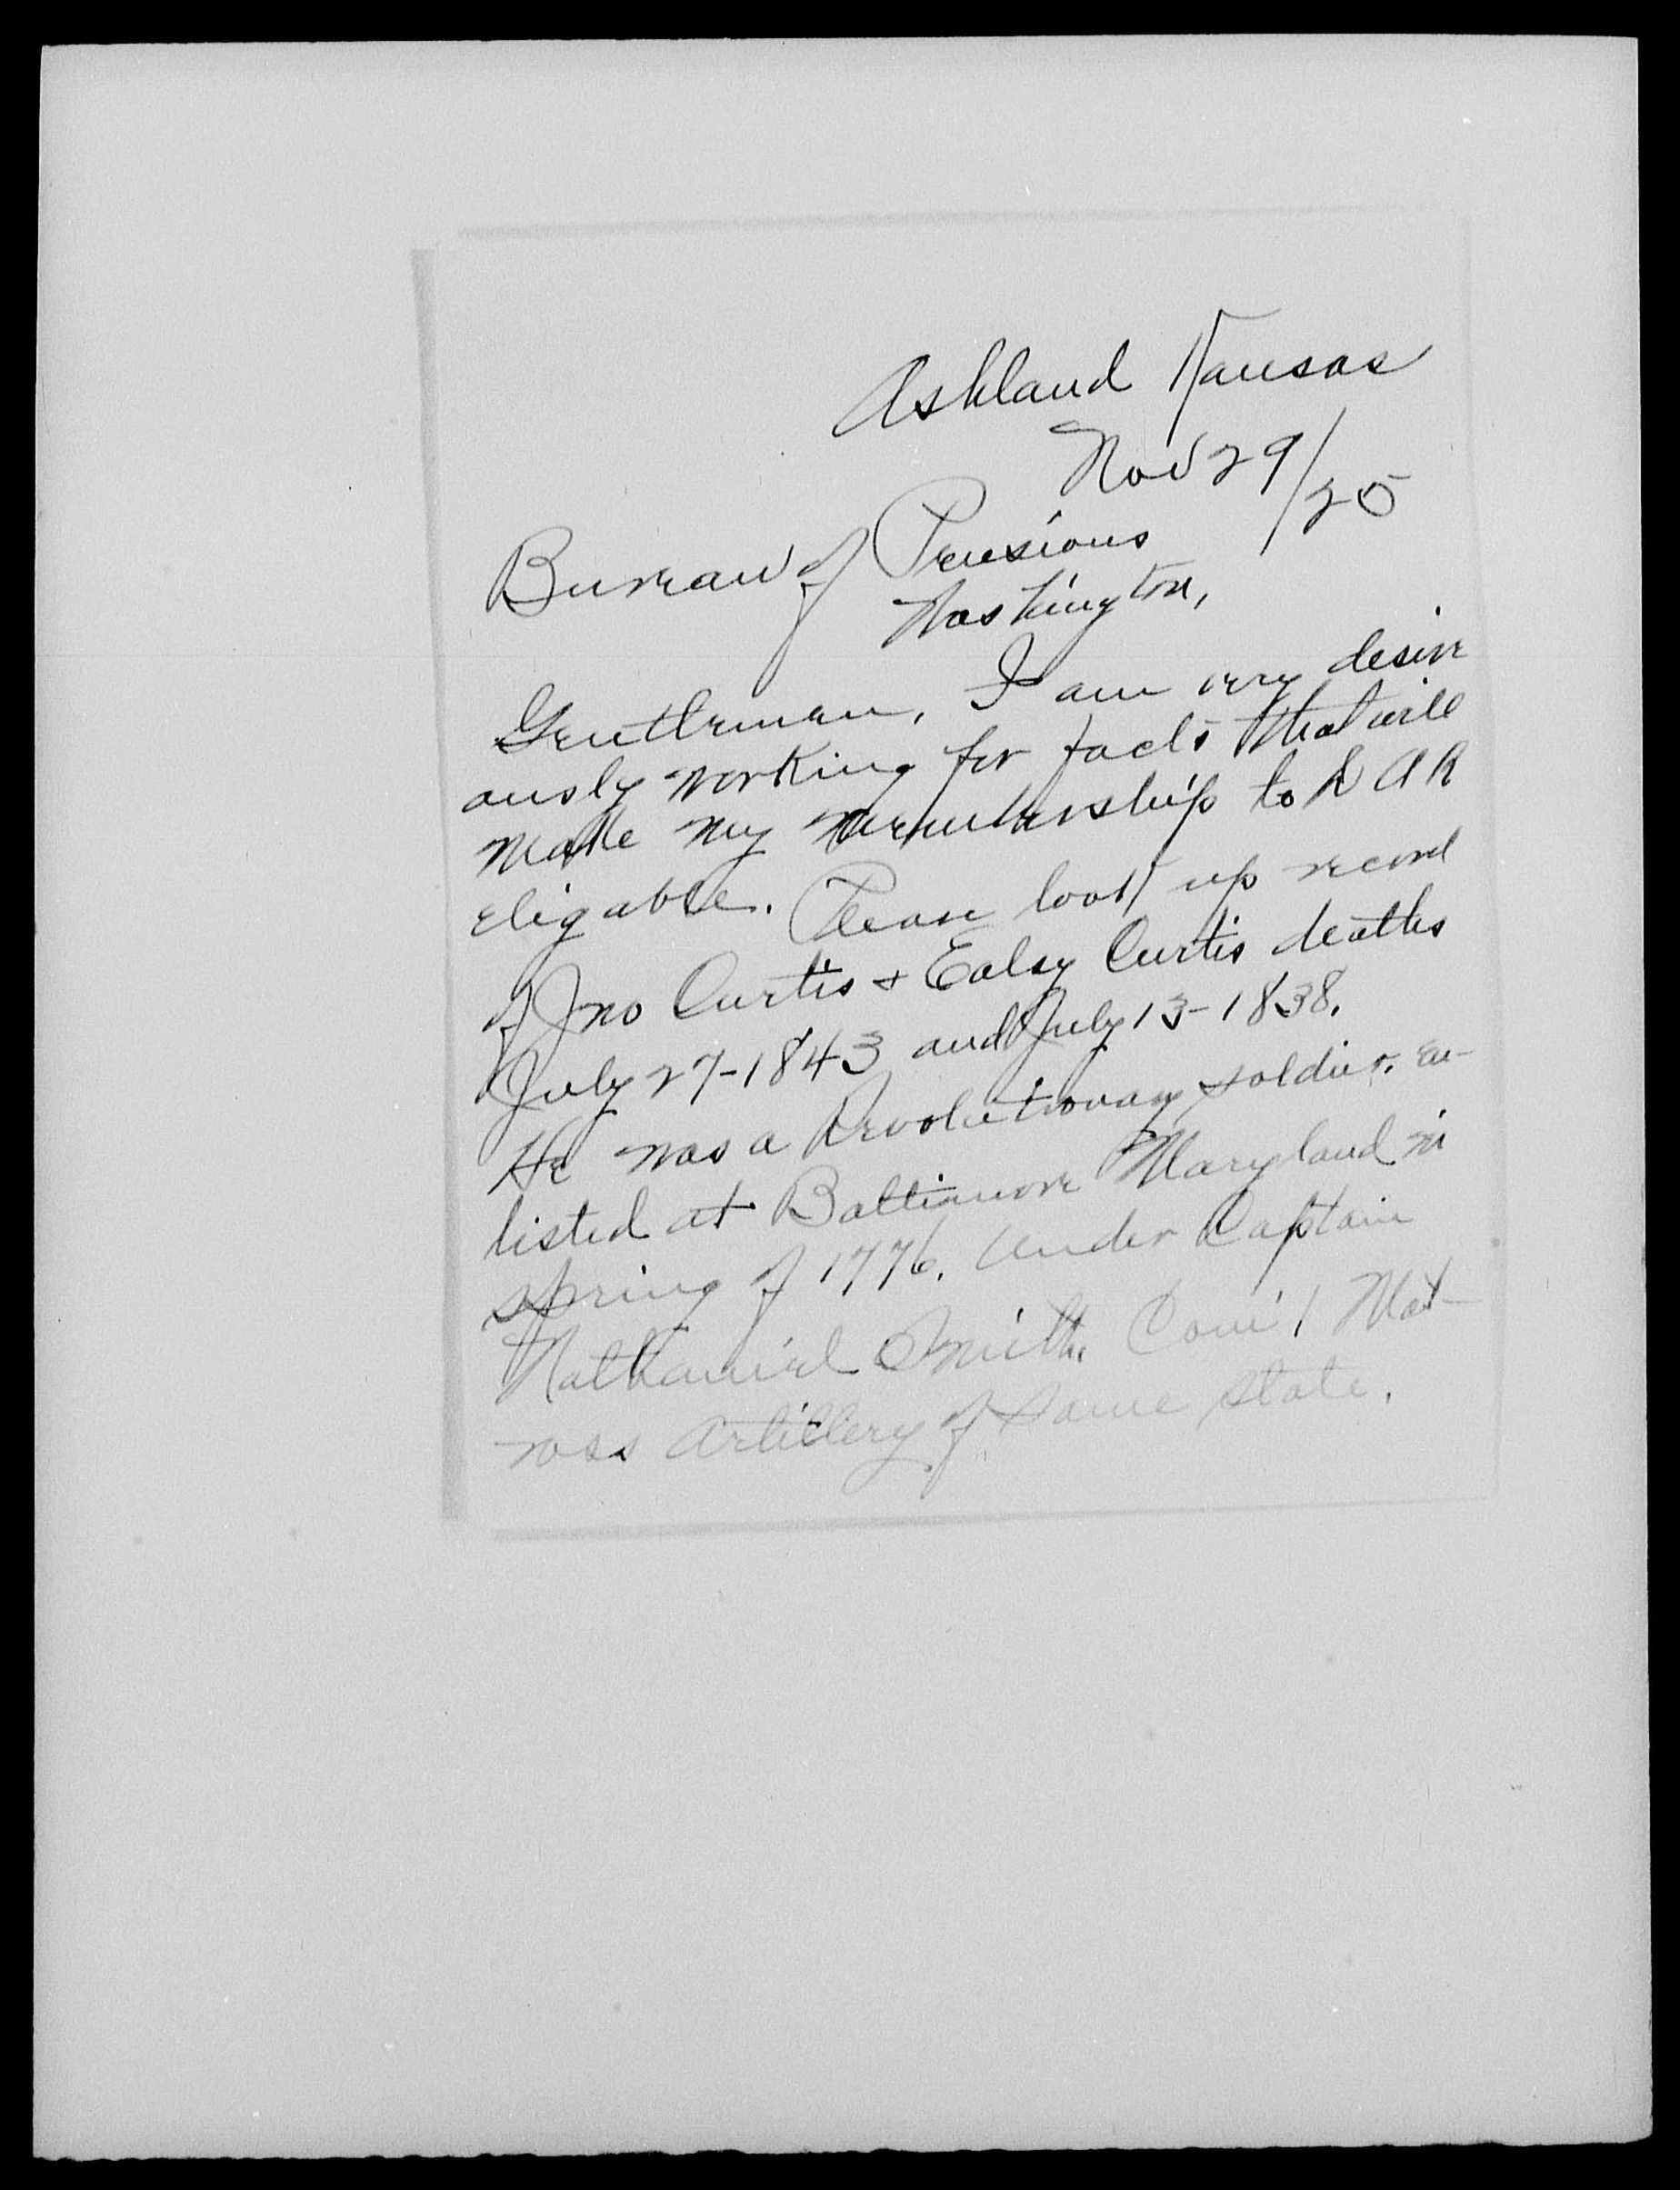Ashland Kansas
Nov 29/25

Bureau of Pensions
Washington,

Gentleman, I am desirously 
working for facts that will
make my relationship to D.A.R
eligible. 
Please look up record
of Jno Curtis & Ealey Curtis deaths 
July 27 -1843, and July 13 1838.

He was a revolutionary soldier, 
enlisted at Baltimore Maryland in
spring of 1776, under Captain 
1Nathaniel Smith Coui.  
Matross(?) Artillery of same state.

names: Jno Curtis, Ealsy Curtis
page: 21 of 26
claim: survivor's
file: S. 34,725, John Curtis, Md.